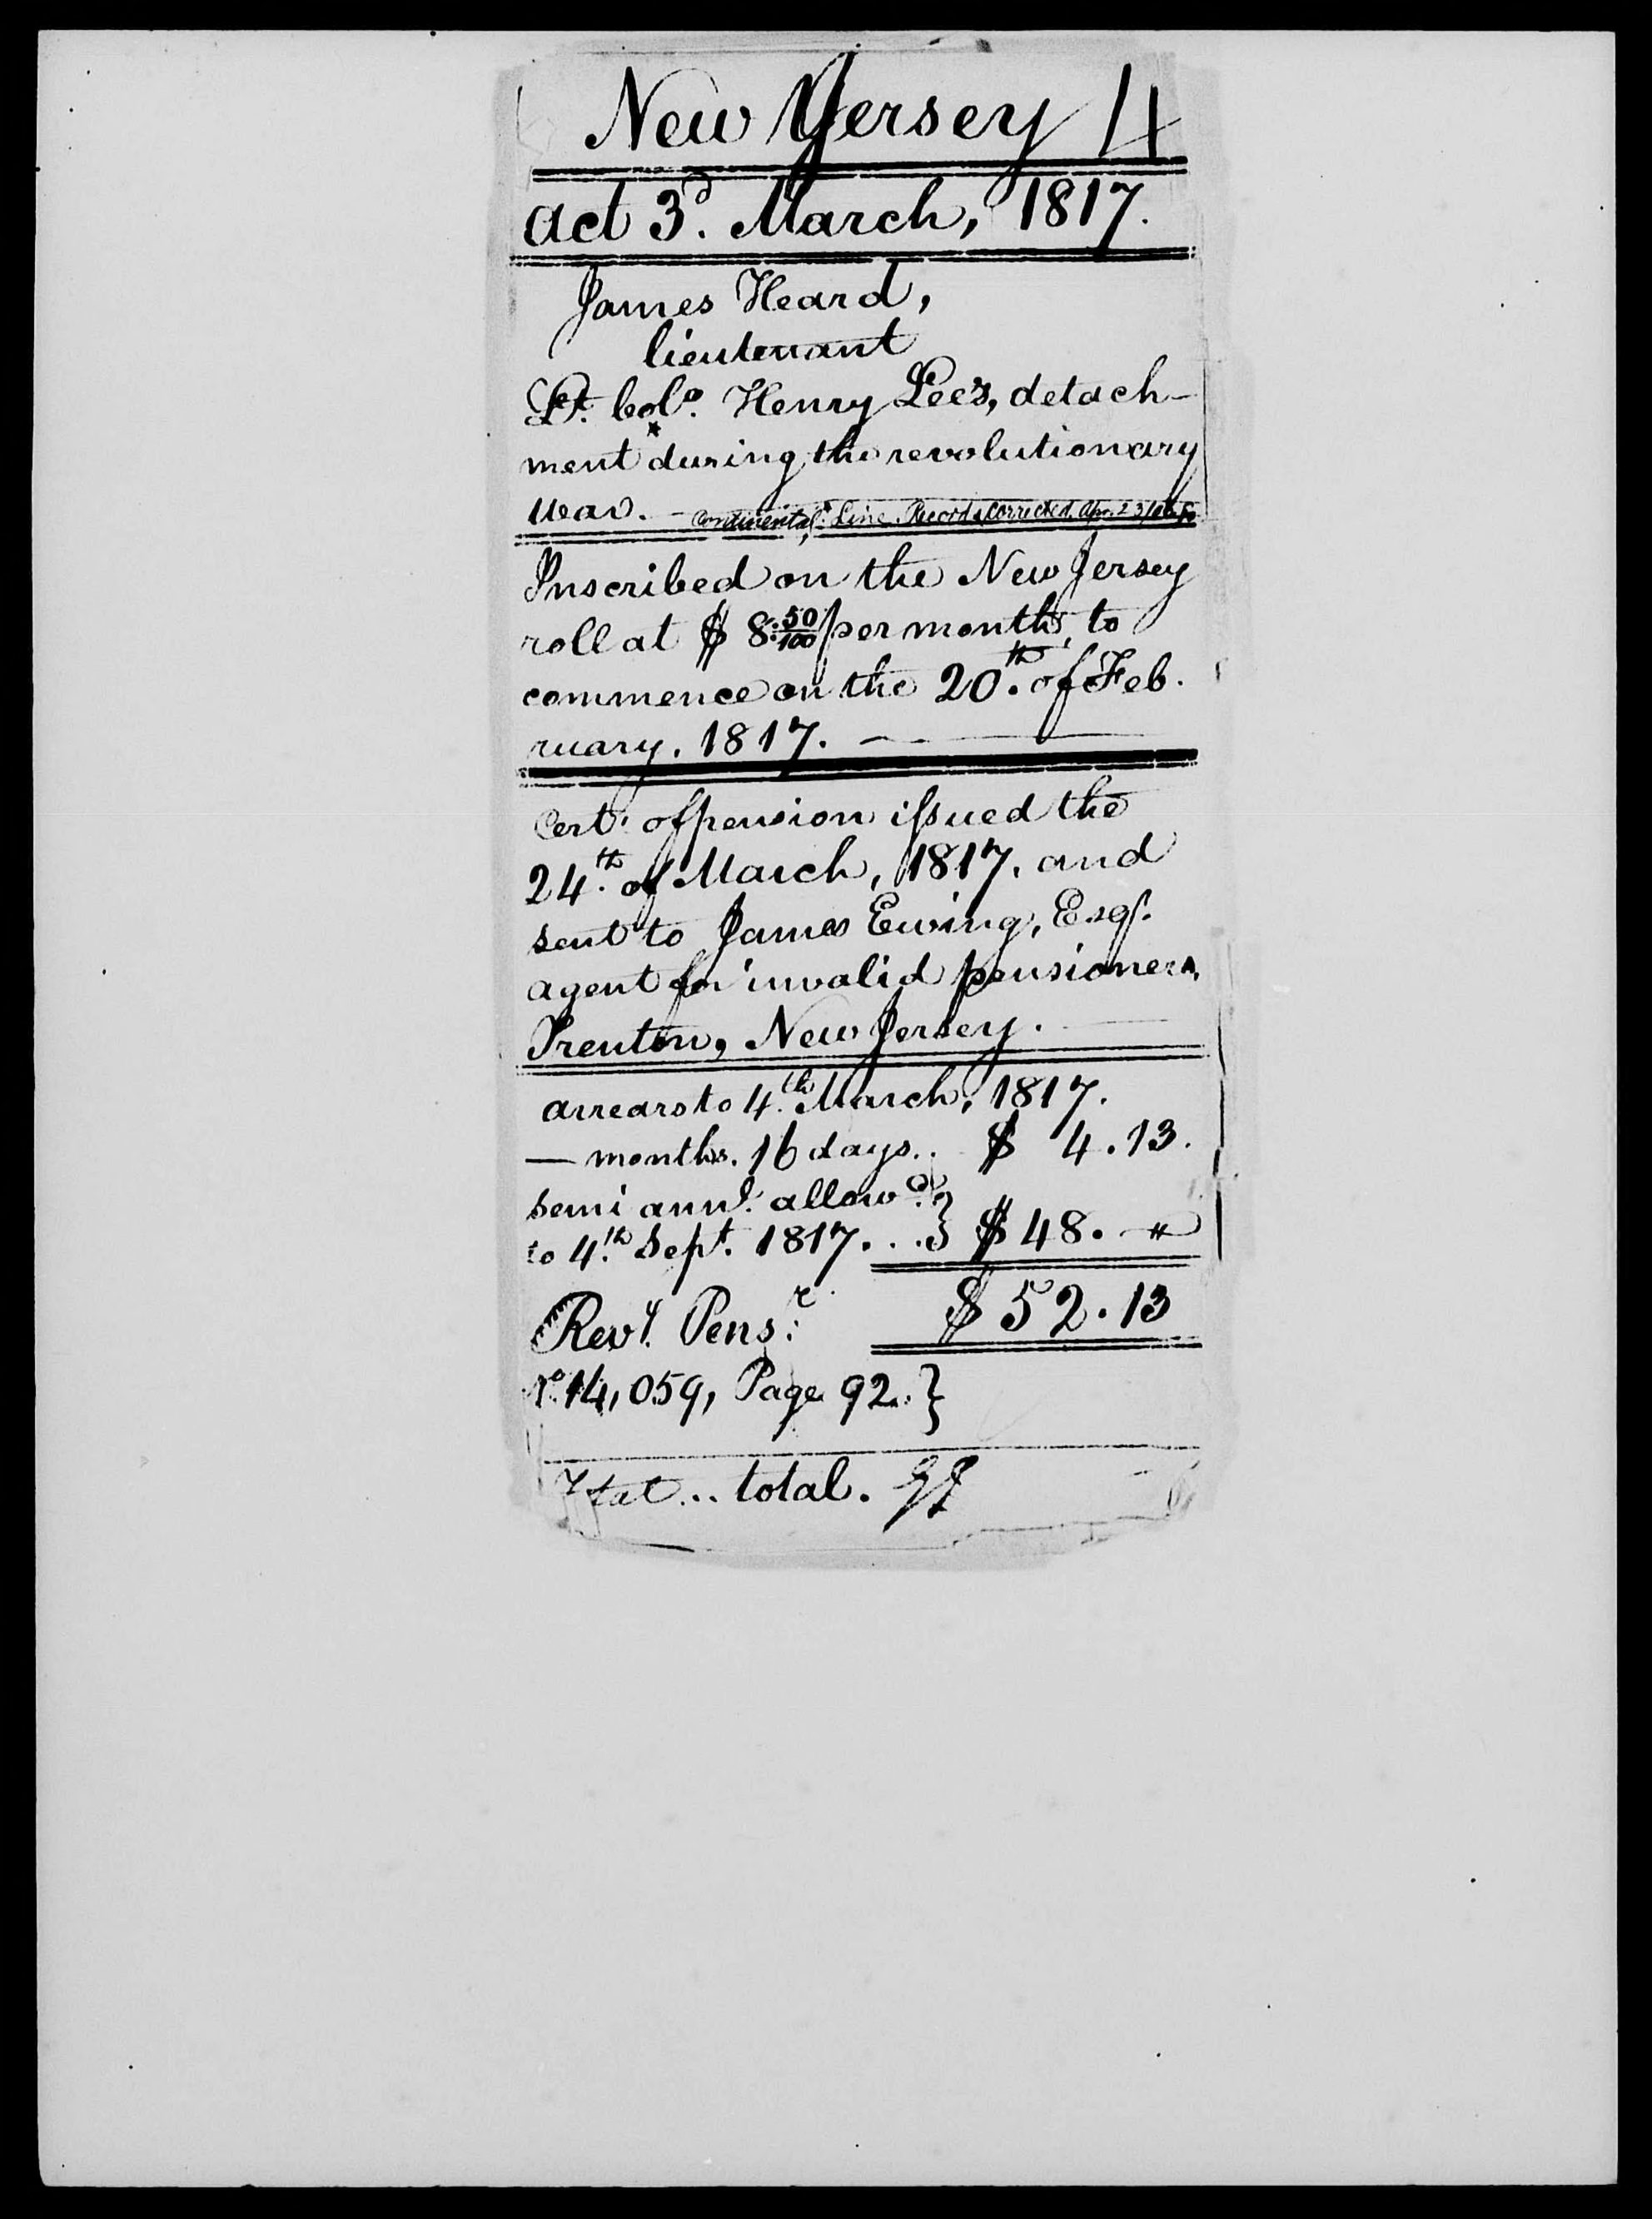New Jersey 
Act 3rd March, 1817

James Heard, Lieutenant
Lt. Col. Henry Lee’s detachment during the Revolutionary War 

Inscribed on the New Jersey at $8.50 per month, to commence on the 20th of February 1817
Certificate of Pension issued the 24th of March 1817 and sent to James Ewing, Esq., agent of invalid pensioners, Trenton, New Jersey. 

Arrears to 11th March 1817, [Blank] months, 16th days   $4.13
Semi-Annual Allowance to 4th Sept 1817   $48.00
Revolutionary Pension   $52.13
14059, Page 92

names: James Ewing, Henry Lee, James Heard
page: 12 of 62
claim: survivor's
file: S. 540, James Heard, Continental - New Jersey Residence In 1818